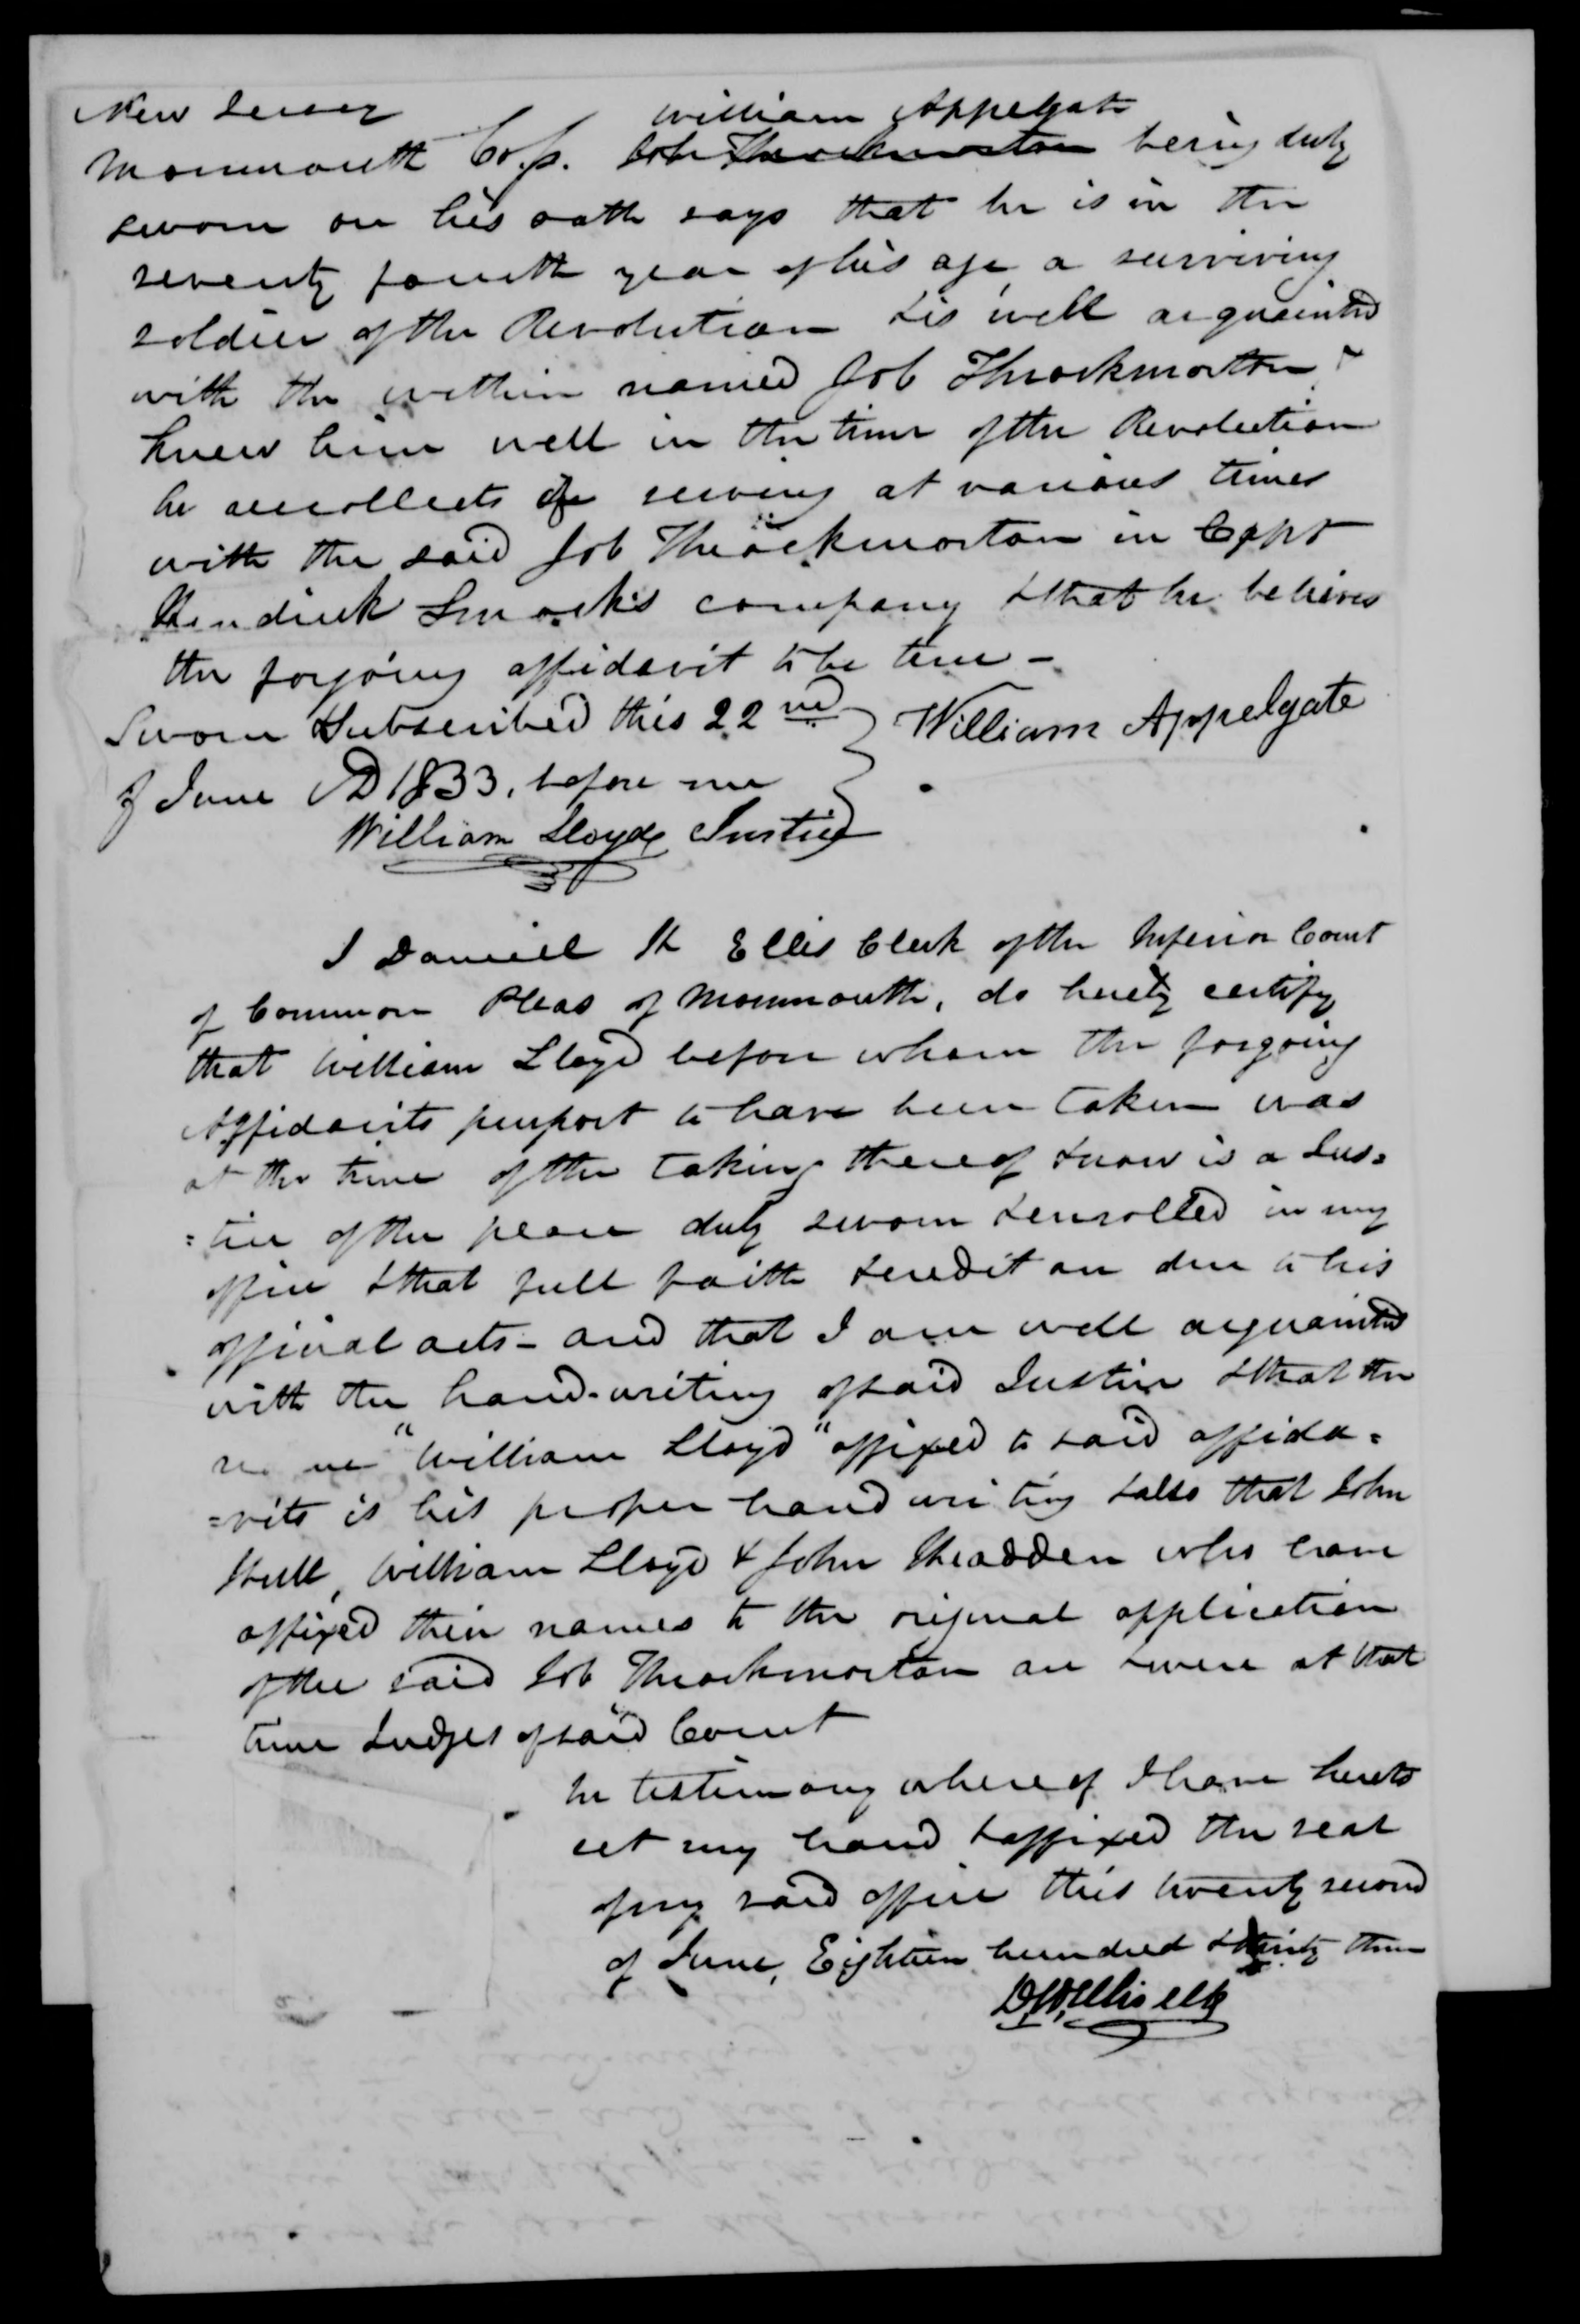New Jersey Monmouth co. I William Appelgate being duly sworn on his oath says that he is in the seventy fourth year of his age, a surviving soldier of the Revolution he is well acquainted with  the within named Job Throckmorton and knew him well in the time of the Revolution he recollects serving at various times with the said Job Throckmorton in Capt Hendrick Smock’s company and that he believes the forgoing affidavit to be true. William Appelgate
Sworn and subscribed this 22nd of June AD 1833, before me. William Lloyd, Justice.
I Daniel H Ellis Clerk of the Inferior Court of Common Pleas of Monmouth do hereby certify that William Lloyd before whom the forgoing affidavits purport to have been taken was at the time of the taking thereof and now is a Justice of the Peace duly sworn and enrolled in my office and that full faith and credit are due to his official acts. and that I am well acquainted with the hand-writing of said Justice and that the name “William Lloyd” affixed to said affidavit is his proper hand writing and that also John Hull, WIlliam Lloyd and John Madden who have affixed their names to the original application of the said Job Throckmorton are and were at that time Judges of said Court. the testimony whereof I have hereto set my hand and affixed the seal of said office this twenty second of June, Eighteen hundred and thirty three. D. H. Ellis, Clk.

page: 14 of 14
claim: survivor's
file: S. 764, for Job Throckmorton, New Jersey